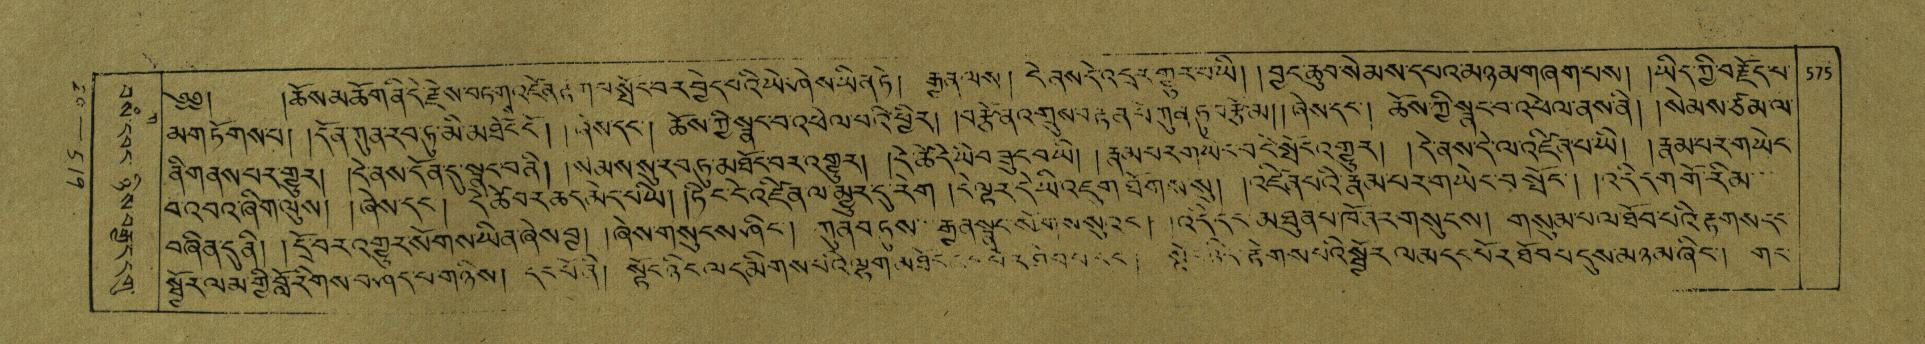༄༅། །ཆོས་མཆོག་ནི་དེ་རྗེས་བཏགས་འཛིན་རྟོག་པ་སྤོང་བར་བྱེད་པའི་ཡེ་ཤེས་ཡིན་ཏེ། རྒྱན་ལས། དེ་ནས་དེ་འདྲར་གྱུར་བ་གྱི། །བྱང་ཆུབ་སེམས་དཔའ་མཉམ་གཞག་པས། །ཡིད་ཀྱི་བརྗོད་པ་
མ་གཏོགས་པ། །དོན་ཀུན་རབ་ཏུ་མི་མཐོང་ངོ། །ཞེས་དང་། ཆོས་ཀྱི་སྣང་བ་འཕེལ་བའི་ཕྱིར། །བརྩོན་འགྲུས་བརྟན་པོ་ཀུན་ཏུ་བརྩོམ། །ཞེས་དང་། ཆོས་ཀྱི་སྣང་བ་འཕེལ་ནས་ནི། །སེམས་ཙམ་ལ་
ནི་གནས་པར་གྱུར། །དེ་ནས་དོན་དུ་སྣང་བ་ནི། །སེམས་སུ་རབ་ཏུ་མཐོང་བར་འགྱུར། །དེ་ཚེ་དེ་ཡི་བཟུང་བ་ཡི། །རྣམ་པར་གཡེང་བ་དེ་སྤོང་འགྱུར། །དེ་ནས་དེ་ལ་འཛིན་པ་ཡི། །རྣམ་པར་གཡེང་
བ་འབའ་ཞིག་ལུས། །ཞེས་དང་། དེ་ཚེ་བར་ཆད་མེད་པ་ཡི། །ཏིང་ངེ་འཛིན་ལ་མྱུར་དུ་རེག །དེ་ལྟར་དེ་ཡི་འཇུག་ཐོགས་སུ། །འཛིན་པའི་རྣམ་པར་གཡེང་བ་སྤོང་། །འདི་དག་གོ་རིམ་
བཞིན་དུ་ནི། །དྲོ་བར་འགྱུར་སོགས་ཡིན་ཞེས་བྱ། །ཞེས་གསུངས་ཤིང་། ཀུན་བཏུས་རྒྱན་སྣང་སོགས་སུའང་། །འདི་དང་མཐུན་པ་ཁོ་ནར་གསུངས། གསུམ་པ་ལ་ཐོབ་པའི་རྟགས་དང་
སྦྱོར་ལམ་གྱི་བློ་རིགས་བཤད་པ་གཉིས། དང་པོ་ནི། སྟོང་ཉིད་ལ་དམིགས་པའི་ལྷག་མཐོང་དང་པོར་ཐོབ་པ་དང་། སྟོང་ཉིད་རྟོགས་པའི་སྦྱོར་ལམ་དང་པོར་ཐོབ་པ་དུས་མཉམ་ཞིང་། གང་